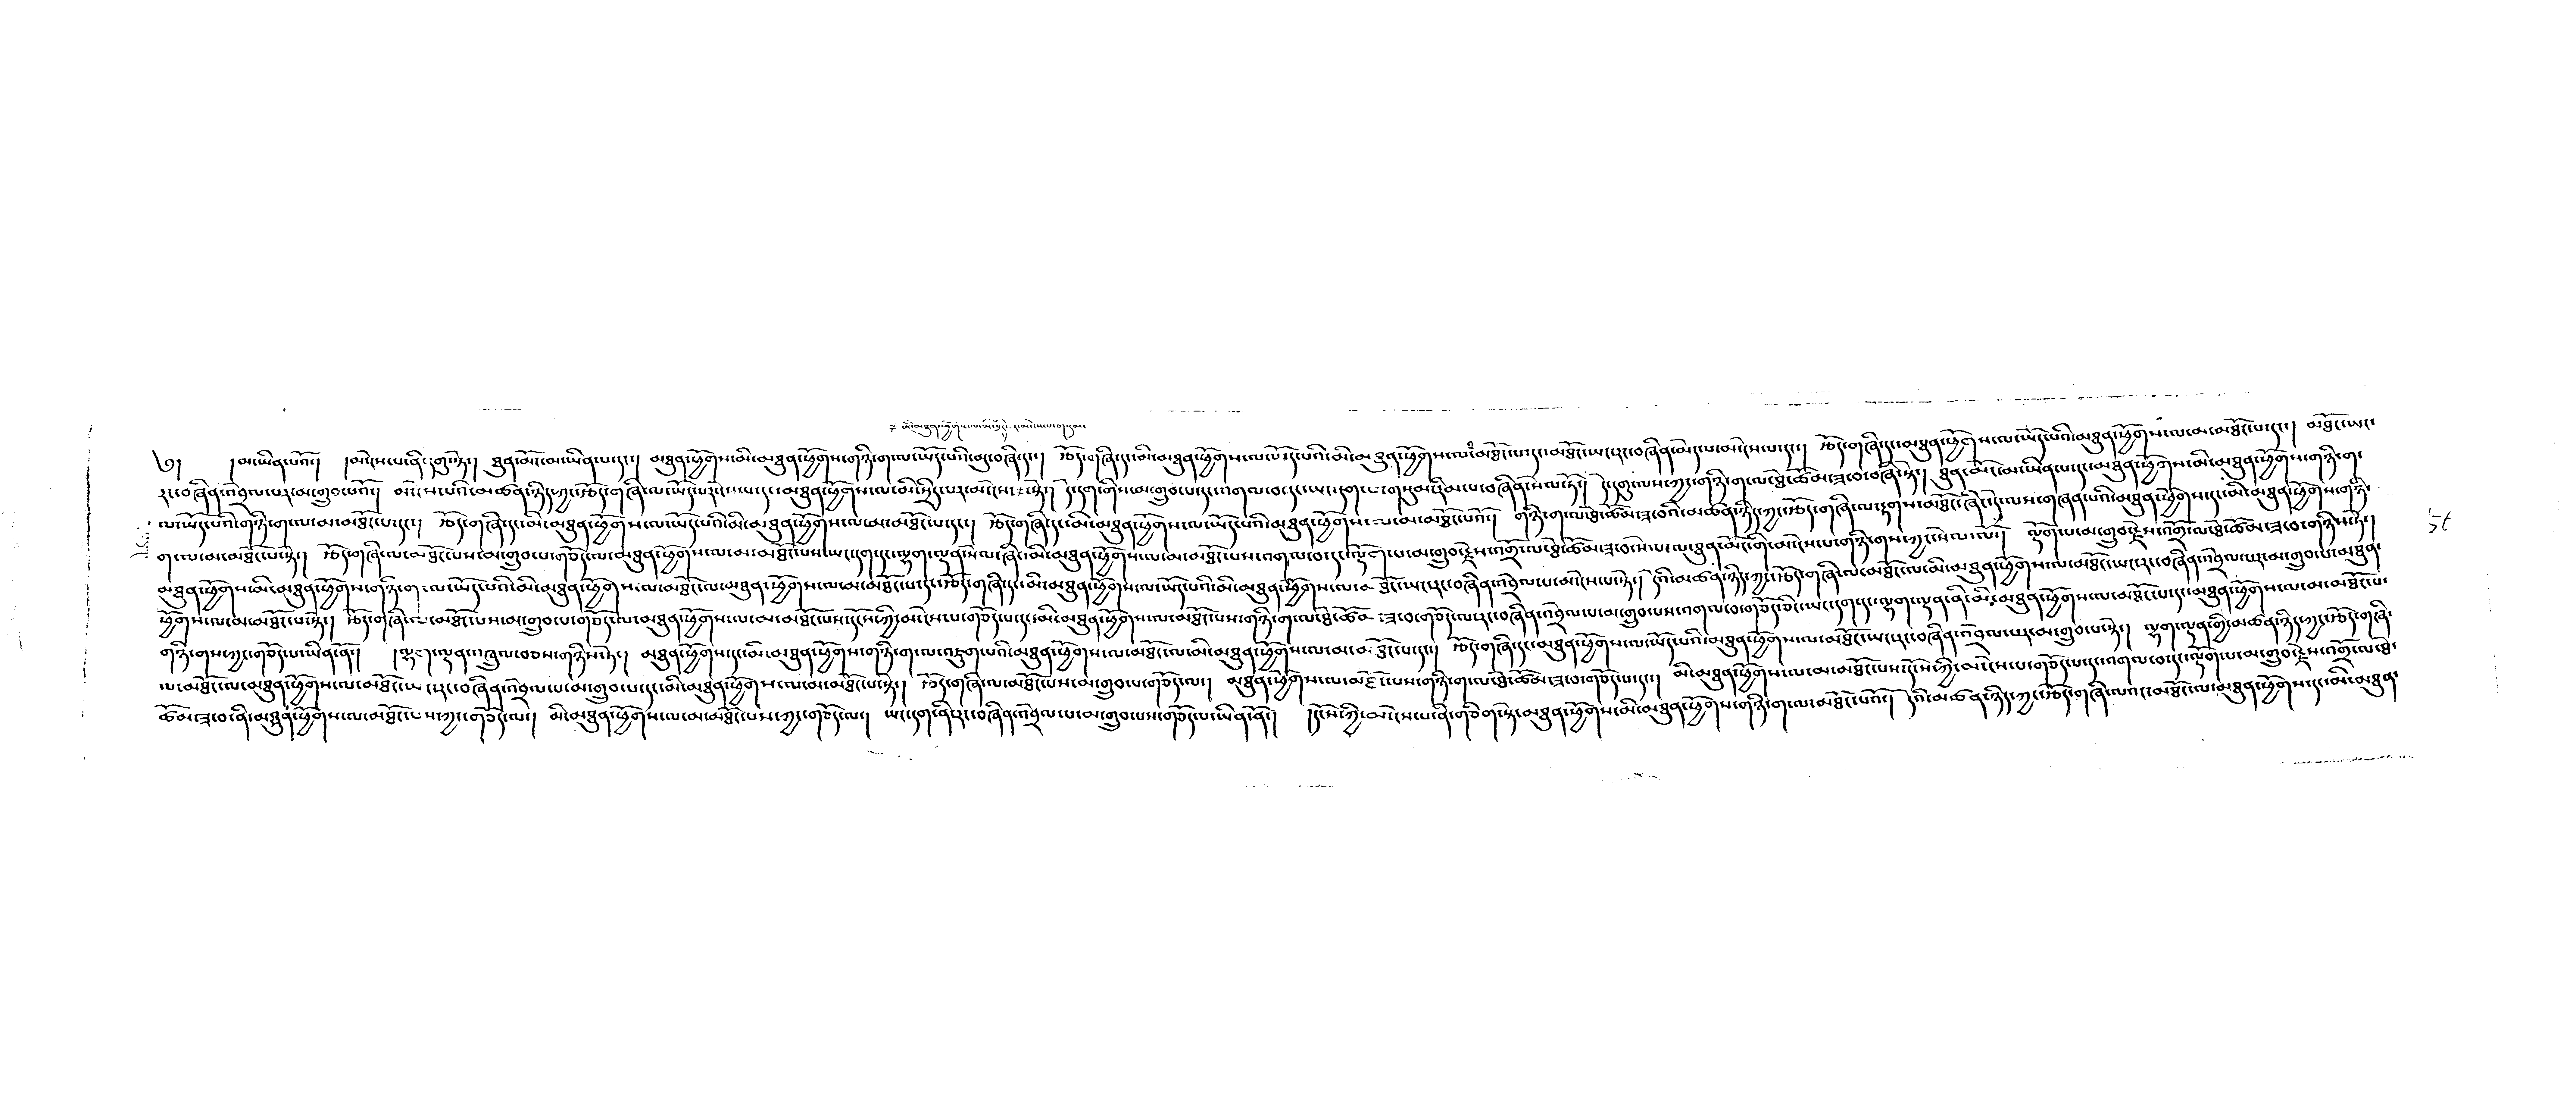༈། །མ་ཡིན་པའོ། །མ་ངེས་པ་ནི་དགུ་སྟེ། ཐུན་མོང་མ་ཡིན་པ་དང་། མཐུན་ཕྱོགས་མི་མཐུན་ཕྱོགས་གཉི་ག་ལ་ཡོད་པའི་མུ་བཞི་དང་། རྩོད་གཞི་དང་མི་མཐུན་ཕྱོགས་ལ་ཡོད་པའི་མི་མཐུན་ཕྱོགས་ལ་མཐོང་པ་དང་མཐོང་ཡང་རང་བཞིན་མེད་པ་མ་ངེས་པ་དང་། རྩོད་གཞི་དང་མཐུན་ཕྱོགས་ལ་ཡོད་པའི་མཐུན་ཕྱོགས་ལ་མ་མཐོང་པ་དང་། མཐོང་ཡང་
རང་བཞིན་འབྲེལ་པར་མ་གྲུབ་པའོ། མ་ངེས་པའི་མཚན་ཉིད་ཀྱང་རྩོད་གཞི་ལ་ཡོད་པར་ངེས་པ་དང་མཐུན་ཕྱོགས་ལ་མི་སྲིད་པར་མ་ངེས་མི་མཐུན་ཕྱོགས་ལ་མི་སྲིད་?་མ་ངེས་པ་གསུམ་སྟེ། དེ་དག་གིས་མ་གྲུབ་པ་དང་འགལ་བ་དང་ཡང་དག་པ་གསུམ་རིམ་པ་བཞིན་སེལ་ཏོ། དེ་དགུ་ལས་ཀྱང་གཉི་ག་ལ་ཐེ་ཚོམ་ཟ་བ་བཞི་སྟེ། ཐུན་མོང་མ་ཡིན་པ་དང་མཐུན་ཕྱོགས་མི་མཐུན་ཕྱོགས་གཉི་ག་
ལ་ཡོད་པའི་གཉི་ག་ལ་མ་མཐོང་པ་དང་། རྩོད་གཞི་དང་མི་མཐུན་ཕྱོགས་ལ་ཡོད་པའི་མི་མཐུན་ཕྱོགས་ལ་མ་མཐོང་པ་དང་། རྩོད་གཞི་དང་མི་མཐུན་ཕྱོགས་ལ་ཡོད་པའི་མཐུན་ཕྱོགས་ལ་མ་མཐོང་པའོ། གཉི་ག་ལ་ཐེ་ཚོམ་ཟ་བའི་མཚན་ཉིད་ཀྱང་རྩོད་གཞི་ལ་རྟགས་མཐོང་ཞིང་དེ་ལས་གཞན་པའི་མཐུན་ཕྱོགས་དང་མི་མཐུན་ཕྱོགས་གཉི་
ག་ལ་མ་མཐོང་པ་སྟེ། རྩོད་གཞི་ལ་མཐོང་པས་མ་གྲུབ་པ་གཅོད་ལ་མཐུན་ཕྱོགས་ལ་མ་མཐོང་པས་ཡང་དག་དང་ལྷག་ལྡན་སེལ་ཞིང་མི་མཐུན་ཕྱོགས་པ་མ་མཐོང་པས་འགལ་བ་དང་ལྡོག་པ་མ་གྲུབ་རྗེས་འགྲོ་ལ་ཐེ་ཚོམ་ཟ་བ་སེལ་ལ་ཐུན་མོང་གི་མ་ངེས་པ་གཉི་གས་ཀྱང་སེལ་ལོ། ལྡོག་པ་མ་གྲུབ་རྗེས་འགྲོ་ལ་ཐེ་ཚོམ་ཟ་བ་གཉིས་ཏེ།
མཐུན་ཕྱོགས་མི་མཐུན་ཕྱོགས་གཉི་ག་ལ་ཡོད་པའི་མི་མཐུན་ཕྱོགས་ལ་མཐོང་ལ་མཐུན་ཕྱོགས་ལ་མ་མཐོང་པ་དང་རྩོད་གཞི་དང་མི་མཐུན་ཕྱོགས་ལ་ཡོད་པའི་མི་མཐུན་ཕྱོགས་ལ་མཐོང་ཡང་རང་བཞིན་འབྲེལ་པ་མ་ངེས་པ་སྟེ། དེའི་མཚན་ཉིད་ཀྱང་རྩོད་གཞི་ལ་མཐོང་ལ་མི་མཐུན་ཕྱོགས་ལ་མཐོང་ཡང་རང་བཞིན་འབྲེལ་པར་མ་གྲུབ་པ་མཐུན་
ཕྱོགས་ལ་མ་མཐོང་པ་སྟེ། རྩོད་གཞི་ལ་མཐོང་པས་མ་གྲུབ་པ་གཅོད་ལ་མཐུན་ཕྱོགས་ལ་མ་མཐོང་པས་དངོས་ཀྱི་མ་ངེས་པ་གཅོད་པ་དང་མི་མཐུན་ཕྱོགས་ལ་མཐོང་པས་གཉི་ག་ལ་ཐེ་ཚོམ་ཟ་བ་གཅོད་ལ་རང་བཞིན་འབྲེལ་པ་མ་གྲུབ་པས་འགལ་བ་གཅོད་ཅིང་ཡང་དག་དང་ལྷག་ལྡན་ནི་མི་མཐུན་ཕྱོགས་ལ་མཐོང་པ་དང་མཐུན་ཕྱོགས་ལ་མ་མཐོང་པ་
གཉི་གས་ཀྱང་གཅོད་པ་ཡིན་ནོ། །ལྷག་ལྡན་འཁྲུལ་བཅས་གཉིས་ཏེ། མཐུན་ཕྱོགས་དང་མི་མཐུན་ཕྱོགས་གཉི་ག་ལ་འཇུག་པའི་མཐུན་ཕྱོགས་ལ་མཐོང་ལ་མི་མཐུན་ཕྱོགས་ལ་མ་མཐོང་པ་དང་། རྩོད་གཞི་དང་མཐུན་ཕྱོགས་ལ་ཡོད་པའི་མཐུན་ཕྱོགས་ལ་མཐོང་ཡང་རང་བཞིན་འབྲེལ་པར་མ་གྲུབ་པ་སྟེ། ལྷག་ལྡན་གྱི་མཚན་ཉིད་ཀྱང་རྩོད་གཞི་
ལ་མཐོང་ལ་མཐུན་ཕྱོགས་ལ་མཐོང་ཡང་རང་བཞིན་འབྲེལ་པ་མ་གྲུབ་པ་དང་མི་མཐུན་ཕྱོགས་ལ་མ་མཐོང་པ་སྟེ། རྩོད་གཞི་ལ་མཐོང་པས་མ་གྲུབ་པ་གཅོད་ལ། མཐུན་ཕྱོགས་ལ་མཐོང་པས་གཉི་ག་ལ་ཐེ་ཚོམ་ཟ་བ་གཅོད་པ་དང་། མི་མཐུན་ཕྱོགས་ལ་མ་མཐོང་པས་དངོས་ཀྱི་མ་ངེས་པ་གཅོད་པ་དང་འགལ་བ་དང་ལྡོག་པ་མ་གྲུབ་རྗེས་འགྲོ་ལ་ཐེ་
ཚོམ་ཟ་བ་ནི་མཐུན་ཕྱོགས་ལ་མཐོང་པས་ཀྱང་གཅོད་ལ། མི་མཐུན་ཕྱོགས་ལ་མ་མཐོང་པས་ཀྱང་གཅོད་ལ། ཡང་དག་ནི་རང་བཞིན་འབྲེལ་པ་མ་གྲུབ་པས་གཅོད་པ་ཡིན་ནོ། །དངོས་ཀྱི་མ་ངེས་པ་ནི་གཅིག་སྟེ་མཐུན་ཕྱོགས་མི་མཐུན་ཕྱོགས་གཉི་ག་ལ་མཐོང་པའོ། དེའི་མཚན་ཉིད་ཀྱང་རྩོད་གཞི་ལའང་མཐོང་ལ་མཐུན་ཕྱོགས་དང་མི་མཐུན་